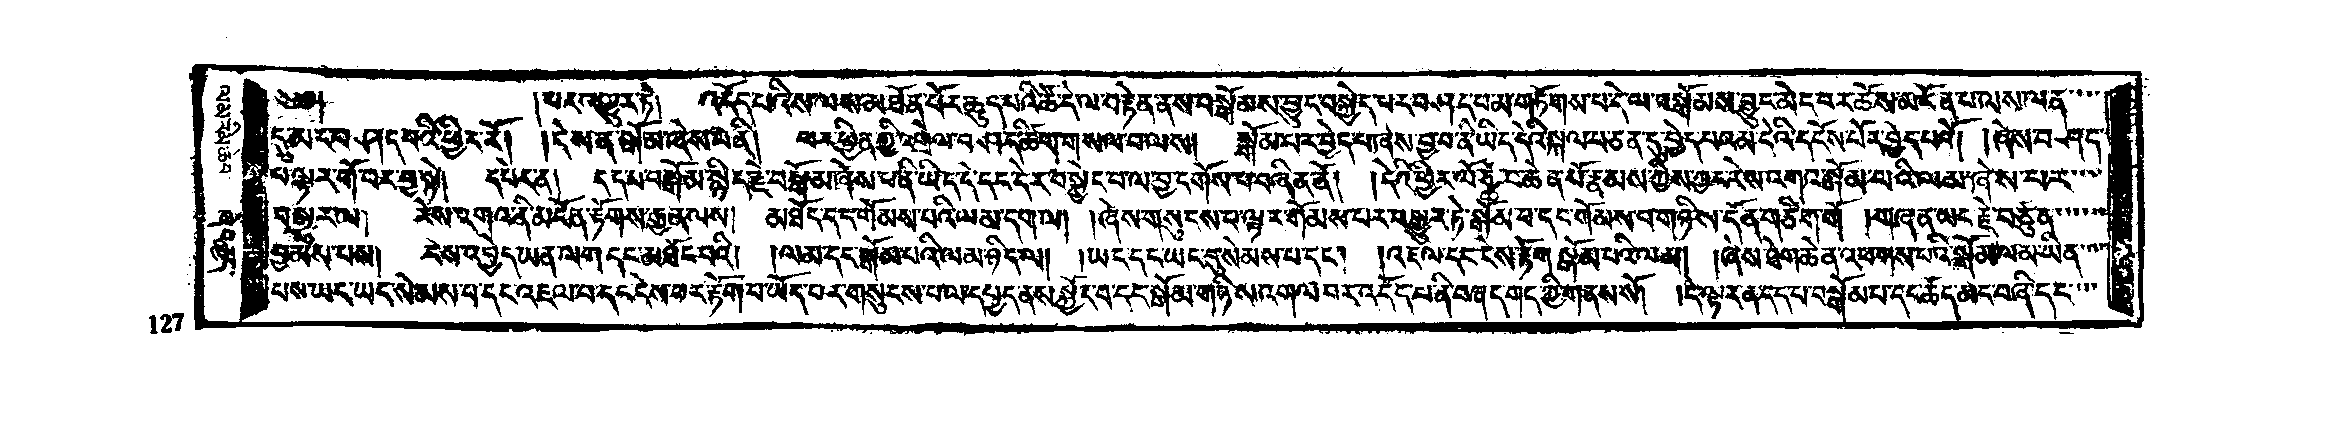༄༅། །པར་འགྱུར་ཏེ། འདོད་པའི་ས་ལས་མཐོན་པོར་ཆུད་པའི་ཚེ་དེ་ལ་བརྟེན་ནས་བསྒོམས་བྱུང་བསྐྱེད་པར་བཤད་པ་མ་གཏོགས་པ་དེ་ལ་བསྒོམས་བྱུང་མེད་པར་ཆོས་མངོན་པ་ལས་ལན་
དུ་མར་བཤད་པའི་ཕྱིར་རོ། །དེས་ན་སྒོམ་ཞེས་པ་ནི། ཕར་ཕྱིན་གྱི་འགྲེལ་བཤད་ཚིག་གསལ་བ་ལས། སྒོམ་པར་བྱེད་པ་ཞེས་བྱ་བ་ནི་ཡིད་དེའི་སྐལ་པ་ཅན་དུ་བྱེད་པའམ་དེའི་དངོས་པོར་བྱེད་པའོ། །ཞེས་བཤད་
པ་ལྟར་གོ་བར་བྱ་སྟེ། དཔེར་ན། དད་པ་བསྒོམ་སྙིང་རྗེ་བསྒོམ་ཞེས་པ་ནི་ཡིད་དེ་དང་དེར་བསྐྱེད་པ་ལ་བྱ་དགོས་པ་བཞིན་ནོ། །དེའི་ཕྱིར་ལོ་ཙྪ་བ་ཆེན་པོ་རྣམས་ཀྱིས་ཀྱང་རེས་འགའ་སྒོམ་པའི་ལམ་ཞེས་པར་
བསྒྱུར་ལ། རེས་འགའ་ནི་མངོན་རྟོགས་རྒྱན་ལས། མཐོང་དང་གོམས་པའི་ལམ་དག་ལ། །ཞེས་གསུངས་པ་ལྟར་གོམས་པར་བསྒྱུར་ཏེ་སྒོམ་པ་དང་གོམས་པ་གཉིས་དོན་གཅིག་གོ །གཞན་ཡང་རྗེ་བཙུན་
བྱམས་པས། དེས་འབྱེད་ཡན་ལག་དང་མཐོང་བའི། །ལམ་དང་སྒོམ་པའི་ལམ་ཉིད་ལ། །ཡང་དང་ཡང་དུ་སེམས་པ་དང་། །འཇལ་དང་ངེས་རྟོག་སྒོམ་པའི་ལམ། །ཞེས་ཐེག་ཆེན་འཕགས་པའི་སྒོམ་ལམ་ཡིན་
པས་ཡང་ཡང་སེམས་པ་དང་འཇལ་བ་དང་ངེས་པར་རྟོག་པ་ཡོད་པར་གསུངས་པ་ལ་དཔྱད་ནས་སྐྱོང་བ་དང་སྒོམ་གཉིས་འགལ་བར་འདོད་པ་ནི་བཞད་གད་ཀྱི་གནས་སོ། །དེ་ལྟར་ན་དད་པ་བསྒོམ་པ་དང་ཚད་མེད་བཞི་དང་